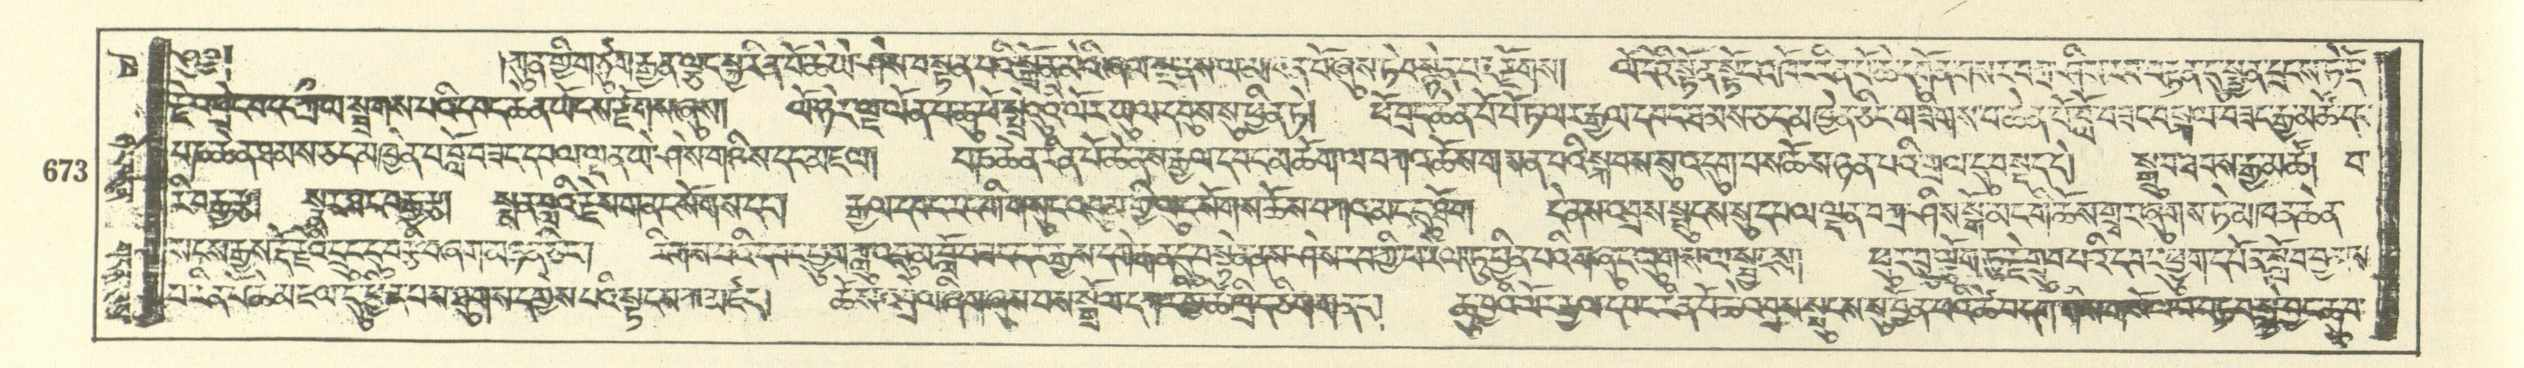༄༅། །ཀུན་གྱི་གཙུག་རྒྱན་ལྕང་སྐྱ་རིན་པོ་ཆེ་ཡེ་ཤེས་བསྟན་པའི་སྒྲོན་མེའི་ཞལ་སྔ་ནས་ལ་མཁན་པོ་ཞུས་ཏེ་བསྙེན་པར་རྫོགས། ལོ་ངོའི་སྟོན་སྟོང་འཁོར་རིན་པོ་ཆེ་དགོན་གསར་བཀྲ་ཤིས་རབ་བརྟན་དུ་སྤྱན་དྲངས་ཏེ་རྡོ་
རྗེ་འཕྲེང་བ་དང་ཀྲྀ་ཡ་སྦྲགས་པའི་དབང་ཆེན་ཡོངས་རྫོགས་ཞུས། ལོ་ཉེར་ལྔ་ལོན་པ་ཆུ་ཕོ་སྤྲེའུའི་ལོར་ཡུལ་དབུས་སུ་ཕྱིན་ཏེ། ཕོ་བྲང་ཆེན་པོ་པོ་ཏ་ལར་རྒྱལ་དབང་ཐམས་ཅད་མཁྱེན་ཅིང་གཟིགས་བ་ཆེན་པོ་བློ་བཟང་བསྐལ་བཟང་རྒྱ་མཚོ་དང་
པཎ་ཆེན་ཐམས་ཅད་མཁྱེན་པ་བློ་བཟང་དཔལ་ལྡན་ཡེ་ཤེས་གཉིས་དང་མཇལ། པཎ་ཆེན་རིན་པོ་ཆེ་ནས་རྒྱལ་དབང་མཆོག་ལ་བཀའ་ཆོས་གསན་པའི་སྐབས་སུ་འདུག་པས་ཆོས་ཉན་པའི་གྲལ་དུ་བསྡད་དེ། སྒྲུབ་ཐབས་རྒྱ་མཚོ། བ་
རི་བརྒྱ་རྩ། སྣར་ཐང་བརྒྱ་རྩ། སྨན་བླའི་རྗེས་གནང་སོགས་དང་། རྒྱལ་དབང་རང་གི་གསུང་འབུམ་གྱི་ལུང་སོགས་ཆོས་བཀའ་མང་དུ་ཐོབ། དེ་ནས་འབྲས་སྤུངས་སུ་དཔལ་ལྡན་བཀྲ་ཤིས་སྒོ་མང་གི་ཆོས་གྲྭར་ཞུགས་ཏེ་མཁན་ཆེན་
སངས་རྒྱས་རྡོ་རྗེའི་དྲུང་དུ་བརྩི་བཞག་མཉན་ཅིང་། རིགས་པའི་དབང་ཕྱུག་ཀླུ་འབུམ་བློ་བཟང་དར་རྒྱས་དགེ་རྒན་དུ་བསྟེན་ནས་ཤེས་རབ་ཀྱི་ཕ་རོལ་ཏུ་ཕྱིན་པའི་གཞུང་ལུགས་ལ་སྦྱངས། ཕུར་བུ་ལྕོག་ཏུ་རྗེ་གྲུབ་པའི་དབང་ཕྱུག་དཔོན་སློབ་བྱམས་
པ་རིན་པོ་ཆེ་མཇལ་དུ་ཕྱིན་པས་ཐུགས་དགྱེས་པའི་སྟངས་ཀ་མཛད། ཆོས་འབྲེལ་ཞིག་ཞུས་པས་སྒྲོལ་དཀར་གྱི་ཚེ་ཁྲིད་ཅིག་གནང་། ཆུ་བྱའི་ལོར་རྒྱལ་དབང་རིན་པོ་ཆེ་འབྲས་སྤུངས་སུ་བྱོན་པའི་ཚེ་བདག་གིས་གསོལ་བ་བཏབ་སྟེ་བྱང་ཆུབ་